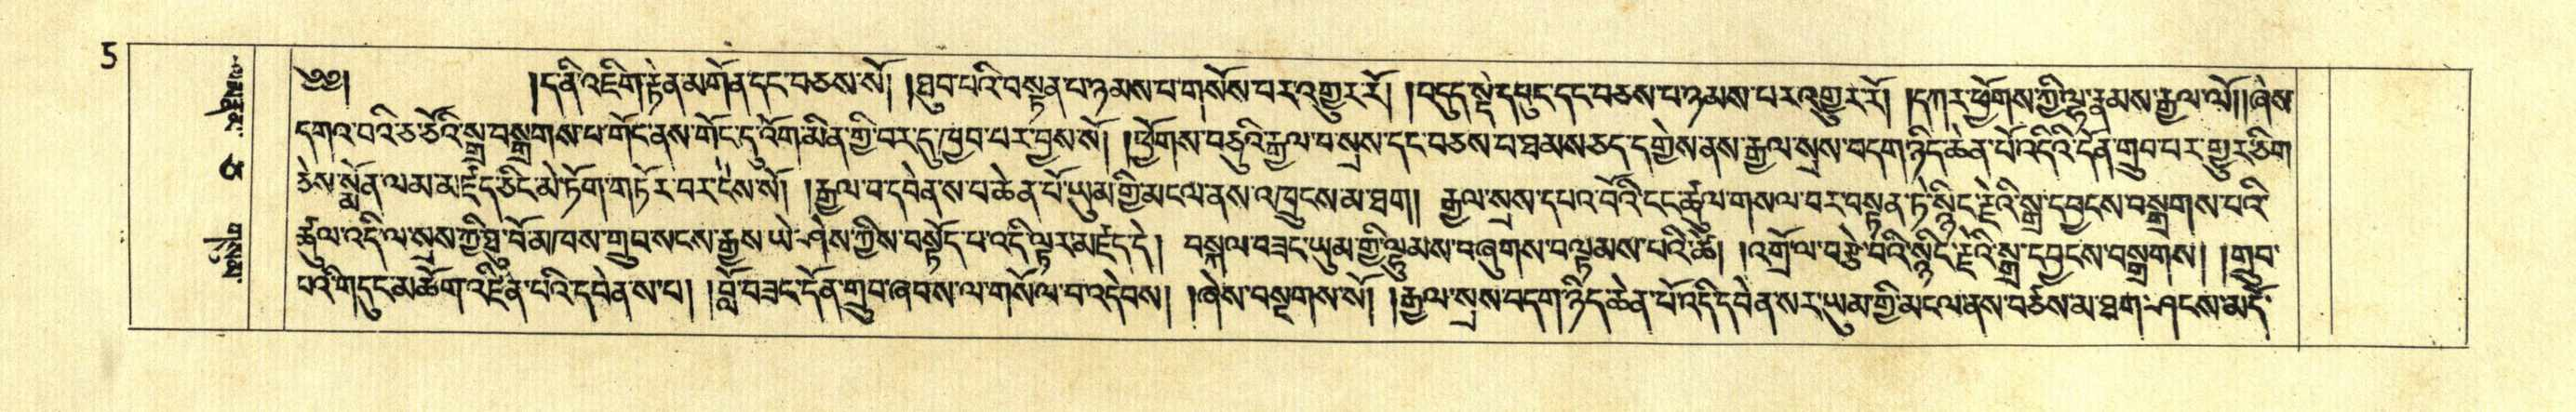༄༅། །ད་ནི་འཇིག་རྟེན་མགོན་དང་བཅས་སོ། །ཐུབ་པའི་བསྟན་པ་ཉམས་པ་གསོས་པར་འགྱུར་རོ། །བདུད་སྡེ་དཔུང་དང་བཅས་པ་ཉམས་པར་འགྱུར་རོ། །དཀར་ཕྱོགས་ཀྱི་ལྷ་རྣམས་རྒྱལ་ལོ། །ཞེས་
དགའ་བའི་ཅ་ཅོའི་སྒྲ་བསྒྲགས་པ་གོང་ནས་གོང་དུ་འོག་མིན་གྱི་བར་དུ་ཁྱབ་པར་བྱས་སོ། །ཕྱོགས་བཅུའི་རྒྱལ་བ་སྲས་དང་བཅས་པ་ཐམས་ཅད་དགྱེས་ནས་རྒྱལ་སྲས་བདག་ཉིད་ཆེན་པོ་འདིའི་དོན་གྲུབ་པར་གྱུར་ཅིག་
ཅེས་སྨོན་ལམ་མཛད་ཅིང་མེ་ཏོག་གཏོར་བར་ངེས་སོ། །རྒྱལ་བ་དབེན་ས་པ་ཆེན་པོ་ཡུམ་གྱི་མངལ་ནས་འཁྲུངས་མ་ཐག། རྒྱལ་སྲས་དཔའ་བོའི་ངང་ཚུལ་གསལ་བར་བསྟན་ཏེ་སྙིང་རྗེའི་སྒྲ་དབྱངས་བསྒྲགས་པའི་
ཚུལ་འདི་ལ་སྲས་ཀྱི་ཐུ་བོ་མཁས་གྲུབ་སངས་རྒྱས་ཡེ་ཤེས་ཀྱིས་བསྟོད་པ་འདི་ལྟར་མཛད་དེ། བསྐལ་བཟང་ཡུམ་གྱི་ལྷུམས་བཞུགས་བལྟམས་པའི་ཚེ། །འགྲོ་ལ་བརྩེ་བའི་སྙིང་རྗེའི་སྒྲ་དབྱངས་བསྒྲགས། །གྲུབ་
པའི་གདུང་མཆོག་འཛིན་པའི་དབེན་ས་པ། །བློ་བཟང་དོན་གྲུབ་ཞབས་ལ་གསོལ་བ་འདེབས། །ཞེས་བསྔགས་སོ། །རྒྱལ་སྲས་བདག་ཉིད་ཆེན་པོ་འདི་དབེན་སར་ཡུམ་གྱི་མངལ་ནས་བཙས་མ་ཐག་ཤངས་མདོ་